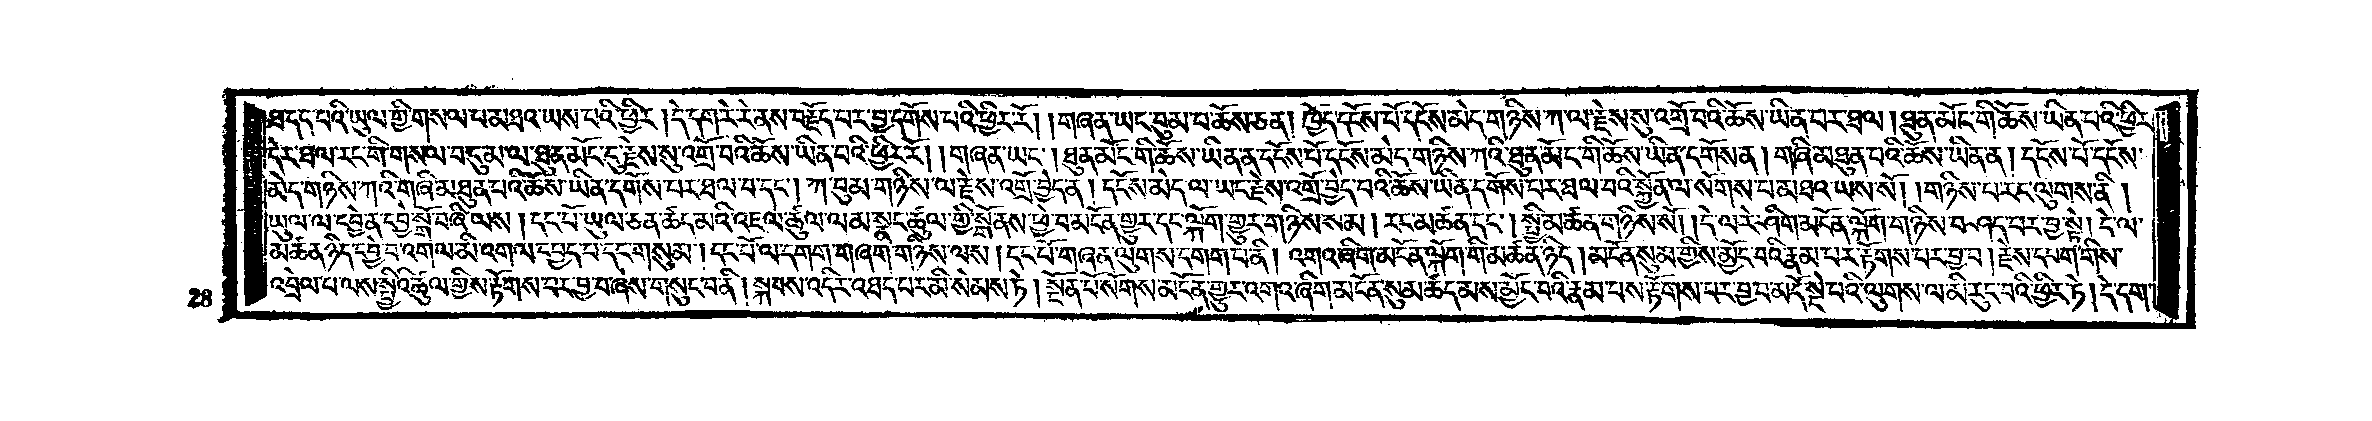ཐ་དད་པའི་ཡུལ་གྱི་གསལ་བ་མཐའ་ཡས་པའི་ཕྱིར། དེ་དག་རེ་རེ་ནས་བརྗོད་པར་བྱ་དགོས་པའི་ཕྱིར་རོ། །གཞན་ཡང་བུམ་པ་ཆོས་ཅན། ཁྱོད་དངོས་པོ་དངོས་མེད་གཉིས་ཀ་ལ་རྗེས་སུ་འགྲོ་བའི་ཆོས་ཡིན་པར་ཐལ། ཐུན་མོང་གི་ཆོས་ཡིན་པའི་ཕྱིར།
དེར་ཐལ་རང་གི་གསལ་བ་དུ་མ་ལ་ཐུན་མོང་དུ་རྗེས་སུ་འགྲོ་བའི་ཆོས་ཡིན་པའི་ཕྱིར་རོ། །གཞན་ཡང་། ཐུན་མོང་གི་ཆོས་ཡིན་ན་དངོས་པོ་དངོས་མེད་གཉིས་ཀའི་ཐུན་མོང་གི་ཆོས་ཡིན་དགོས་ན། གཞི་མཐུན་པའི་ཆོས་ཡིན་ན། དངོས་པོ་དངོས་
མེད་གཉིས་ཀའི་གཞི་མཐུན་པའི་ཆོས་ཡིན་དགོས་པར་ཐལ་བ་དང་། ཀ་བུམ་གཉིས་ལ་རྗེས་འགྲོ་བྱེད་ན། དངོས་མེད་ལ་ཡང་རྗེས་འགྲོ་བྱེད་པའི་ཆོས་ཡིན་དགོས་པར་ཐལ་བའི་སྐྱོན་ལ་སོགས་པ་མཐའ་ཡས་སོ། །གཉིས་པ་རང་ལུགས་ནི།
ཡུལ་ལ་དབྱེ་ན་དབྱེ་སྒོ་བཞི་ལས། དང་པོ་ཡུལ་ཅན་ཚད་མའི་འཇལ་ཚུལ་གྱི་སྒོ་ནས་ཕྱིར་བ་མངོན་གྱུར་དང་ལྐོག་གྱུར་གཉིས་སམ། རང་མཚན་དང་། སྤྱི་མཚན་གཉིས་སོ། །དེ་ལ་རེ་ཤིག་མངོན་ལྐོག་གཉིས་བཤད་པར་བྱ་སྟེ། དེ་ལ་
མཚན་ཉིད་དབྱེ་བ་འགལ་མི་འགལ་དཔྱད་པ་དང་གསུམ། དང་པོ་ལ་དགག་གཞག་གཉིས་ལས། དང་པོ་གཞན་ལུགས་དགག་པ་ནི། འགའ་ཞིག་མངོན་ལྐོག་གི་མཚན་ཉིད། མངོན་སུམ་གྱིས་མྱོང་བའི་རྣམ་པར་རྟོགས་པར་བྱ་བ། རྗེས་དཔག་གིས་
འབྲེལ་པ་ལས་སྤྱིའི་ཚུལ་གྱིས་རྟོགས་པར་བྱ་བ་ཞེས་གསུང་པ་ནི། སྐབས་འདིར་འཐད་པར་མི་སེམས་ཏེ། སྔོན་པོ་སོགས་མངོན་གྱུར་འགའ་ཞིག་མངོན་སུམ་ཚད་མས་མྱོང་བའི་རྣམ་པས་རྟོགས་པར་བྱ་བ་མདོ་སྡེ་པའི་ལུགས་ལ་མི་རུང་བའི་ཕྱིར་ཏེ། དེ་དག་